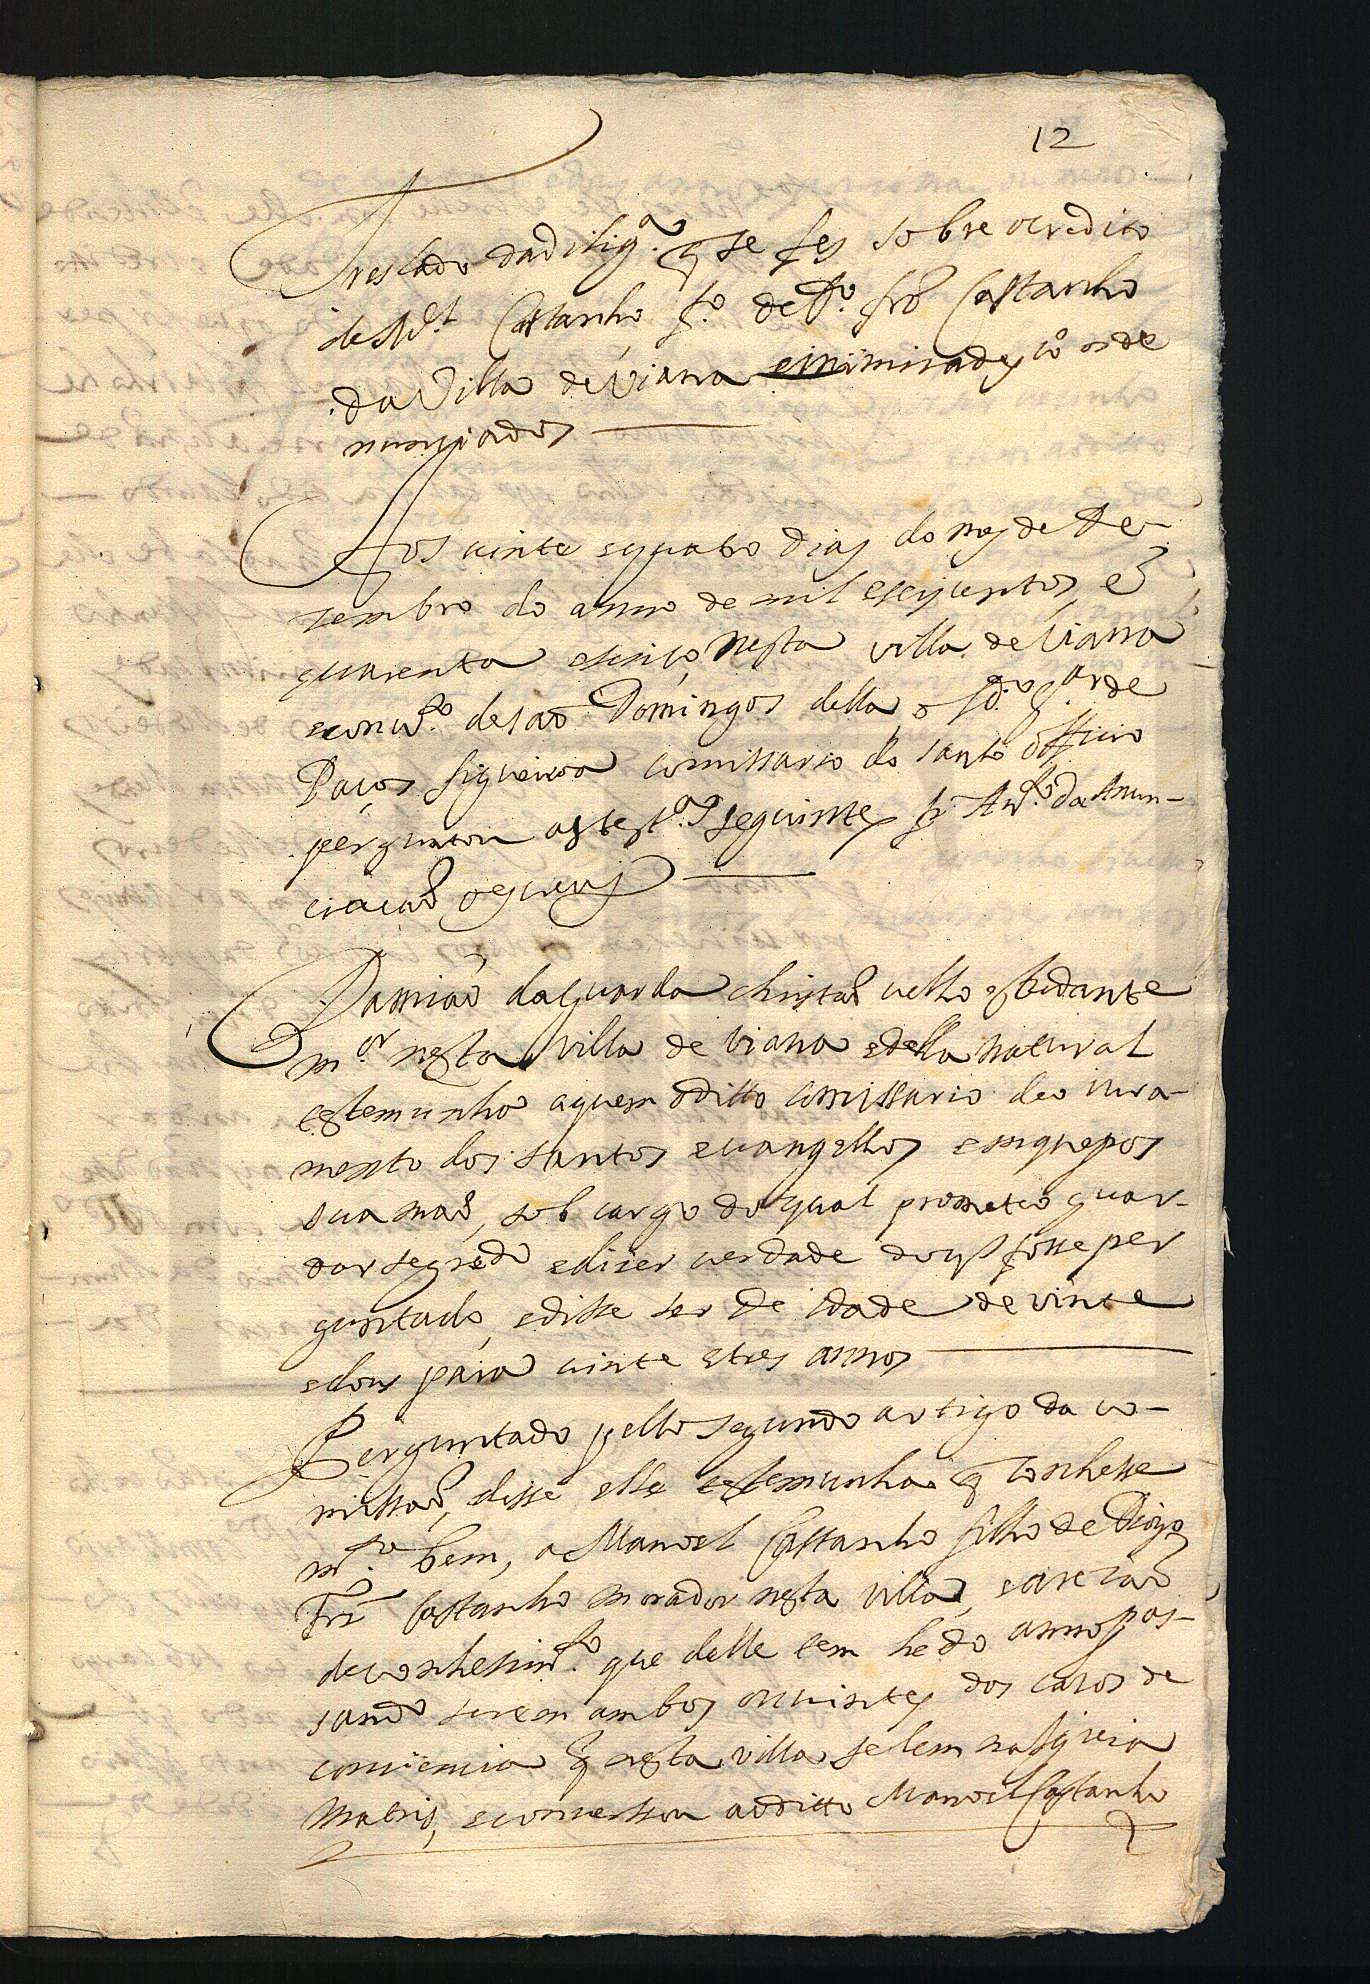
Treslado da dilig.a q̄ se fes sobre o credito
de M.el Castanho f.o de D.o frz̄ Castanho
da villa da vianna e inimizades cō os de
nunciados
Aos uinte E quatro dias do mes de De
zembro do anno de mil e seiscentos, e
quarenta E sinco, nesta villa de viana
E conv.to de saõ Domingos della o Ld.o G.ar de
Paços figueiroa comissario do santo officio
perguntou as test.as seguintes fr̄. An.to da Anun
ciacaõ o escreuj
Damiaõ da Guarda christaõ uelho estudante
m.or nesta villa de viana E della naturaL
testemunha a quem o ditto comissario deo iura
mento dos santos euangelhos em que pos
sua maõ, sob cargo do quaL prometeo guar
dar segredo E dizer uerdade do q̄ fosse per
guntado, E disse ser de idade de vinte
E dous para uinte E tres annos
Perguntado pello segundo artigo da co
missaõ, disse Elle testemunha q̄ conhesse
m.to bem, a Manoel Castanho filho de Diogo
Frz̄ Castanho morador nesta villa, E a rezaõ
de conhecim.to que delle tem he do anno pas
sando serem ambos ouuintes dos cazos de
conciencia q̄ nesta villa se tem na Igreia
matris, E conuerssou ao ditto Manoel Castanho
